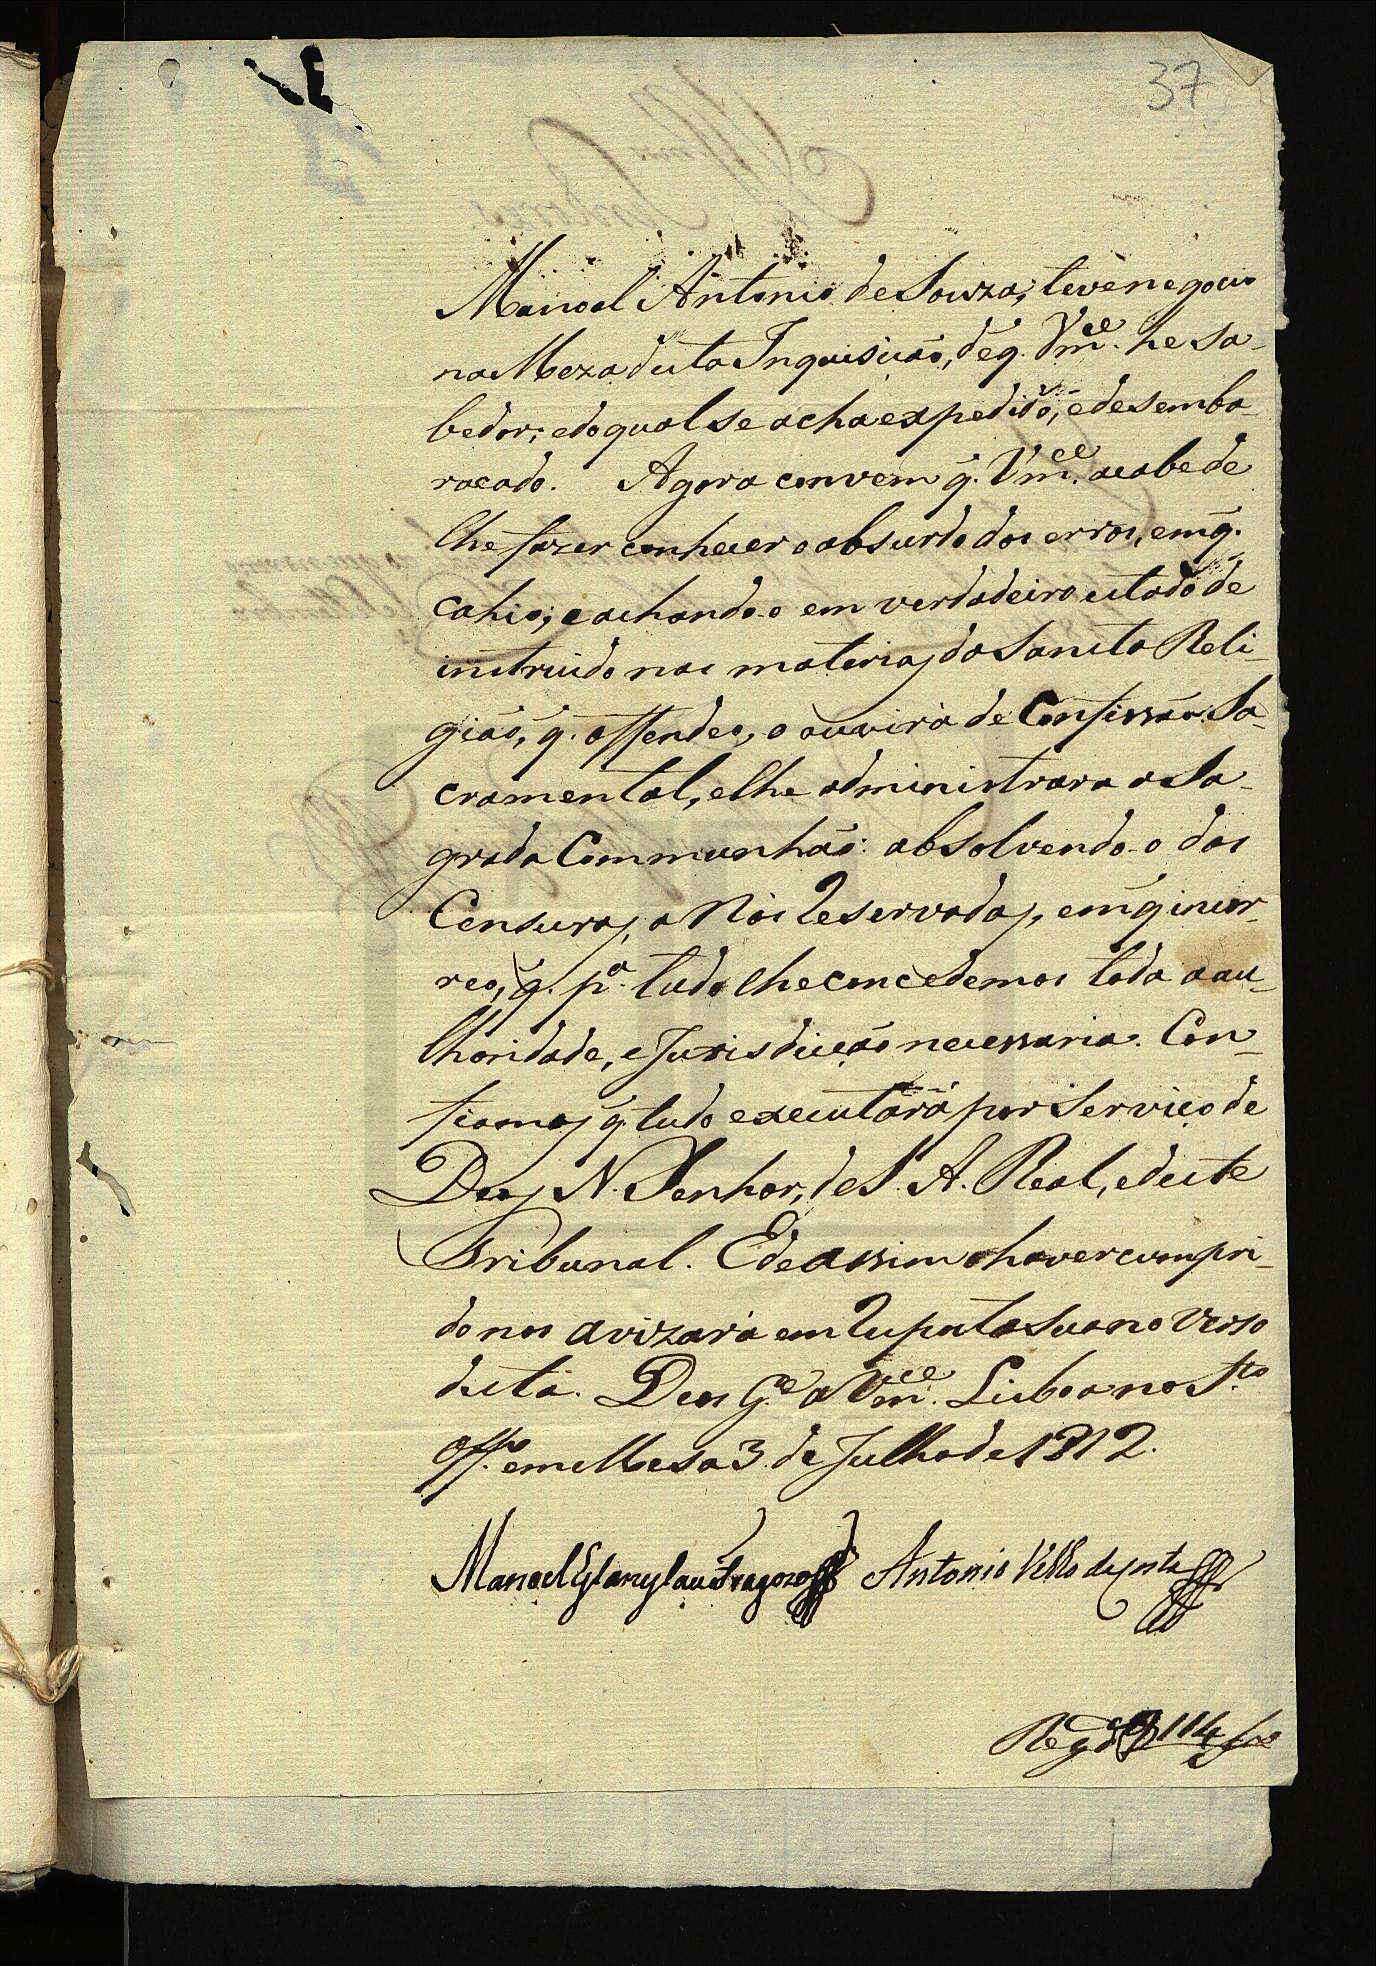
Manoel Antonio de Souza, teve negocio
na Meza desta Inquisiçaõ, de q̄ Vm.ce he sa
bedor; e do qual se acha expedido, e desemba
raçado. Agora convem q̄ Vm.ce acabe de
lhe fazer conhecer o absurdo dos erros, em q̄
cahio; e achando-o em verdadeiro estado de
instruido nas materias da Santa Reli
giaõ, q̄ offendeo, o ouvirá de Confissaõ Sa
cramental, e lhe administrara a Sa
grada Communhaõ: absolvendo-o das
Censuras, a nós Reservadas, em q̄ incor
reo, q̄ p.a tudo lhe concedemos toda a au
thoridade, e Jurisdiçaõ necessaria. Con
fiamos q̄ tudo executará por Serviço de
Deos N. Senhor, de S. A. Real, e deste
Tribunal. E de assim haver cumpri
do nos avizará em Resposta Sua no verso
desta. Deos G.e a Vm.ce Lisboa no S.to
off.o em Meza 3 de Julho de 1812.
Manoel Estanislau Fragozo Antonio Velho da Costa
Regda f 114v
